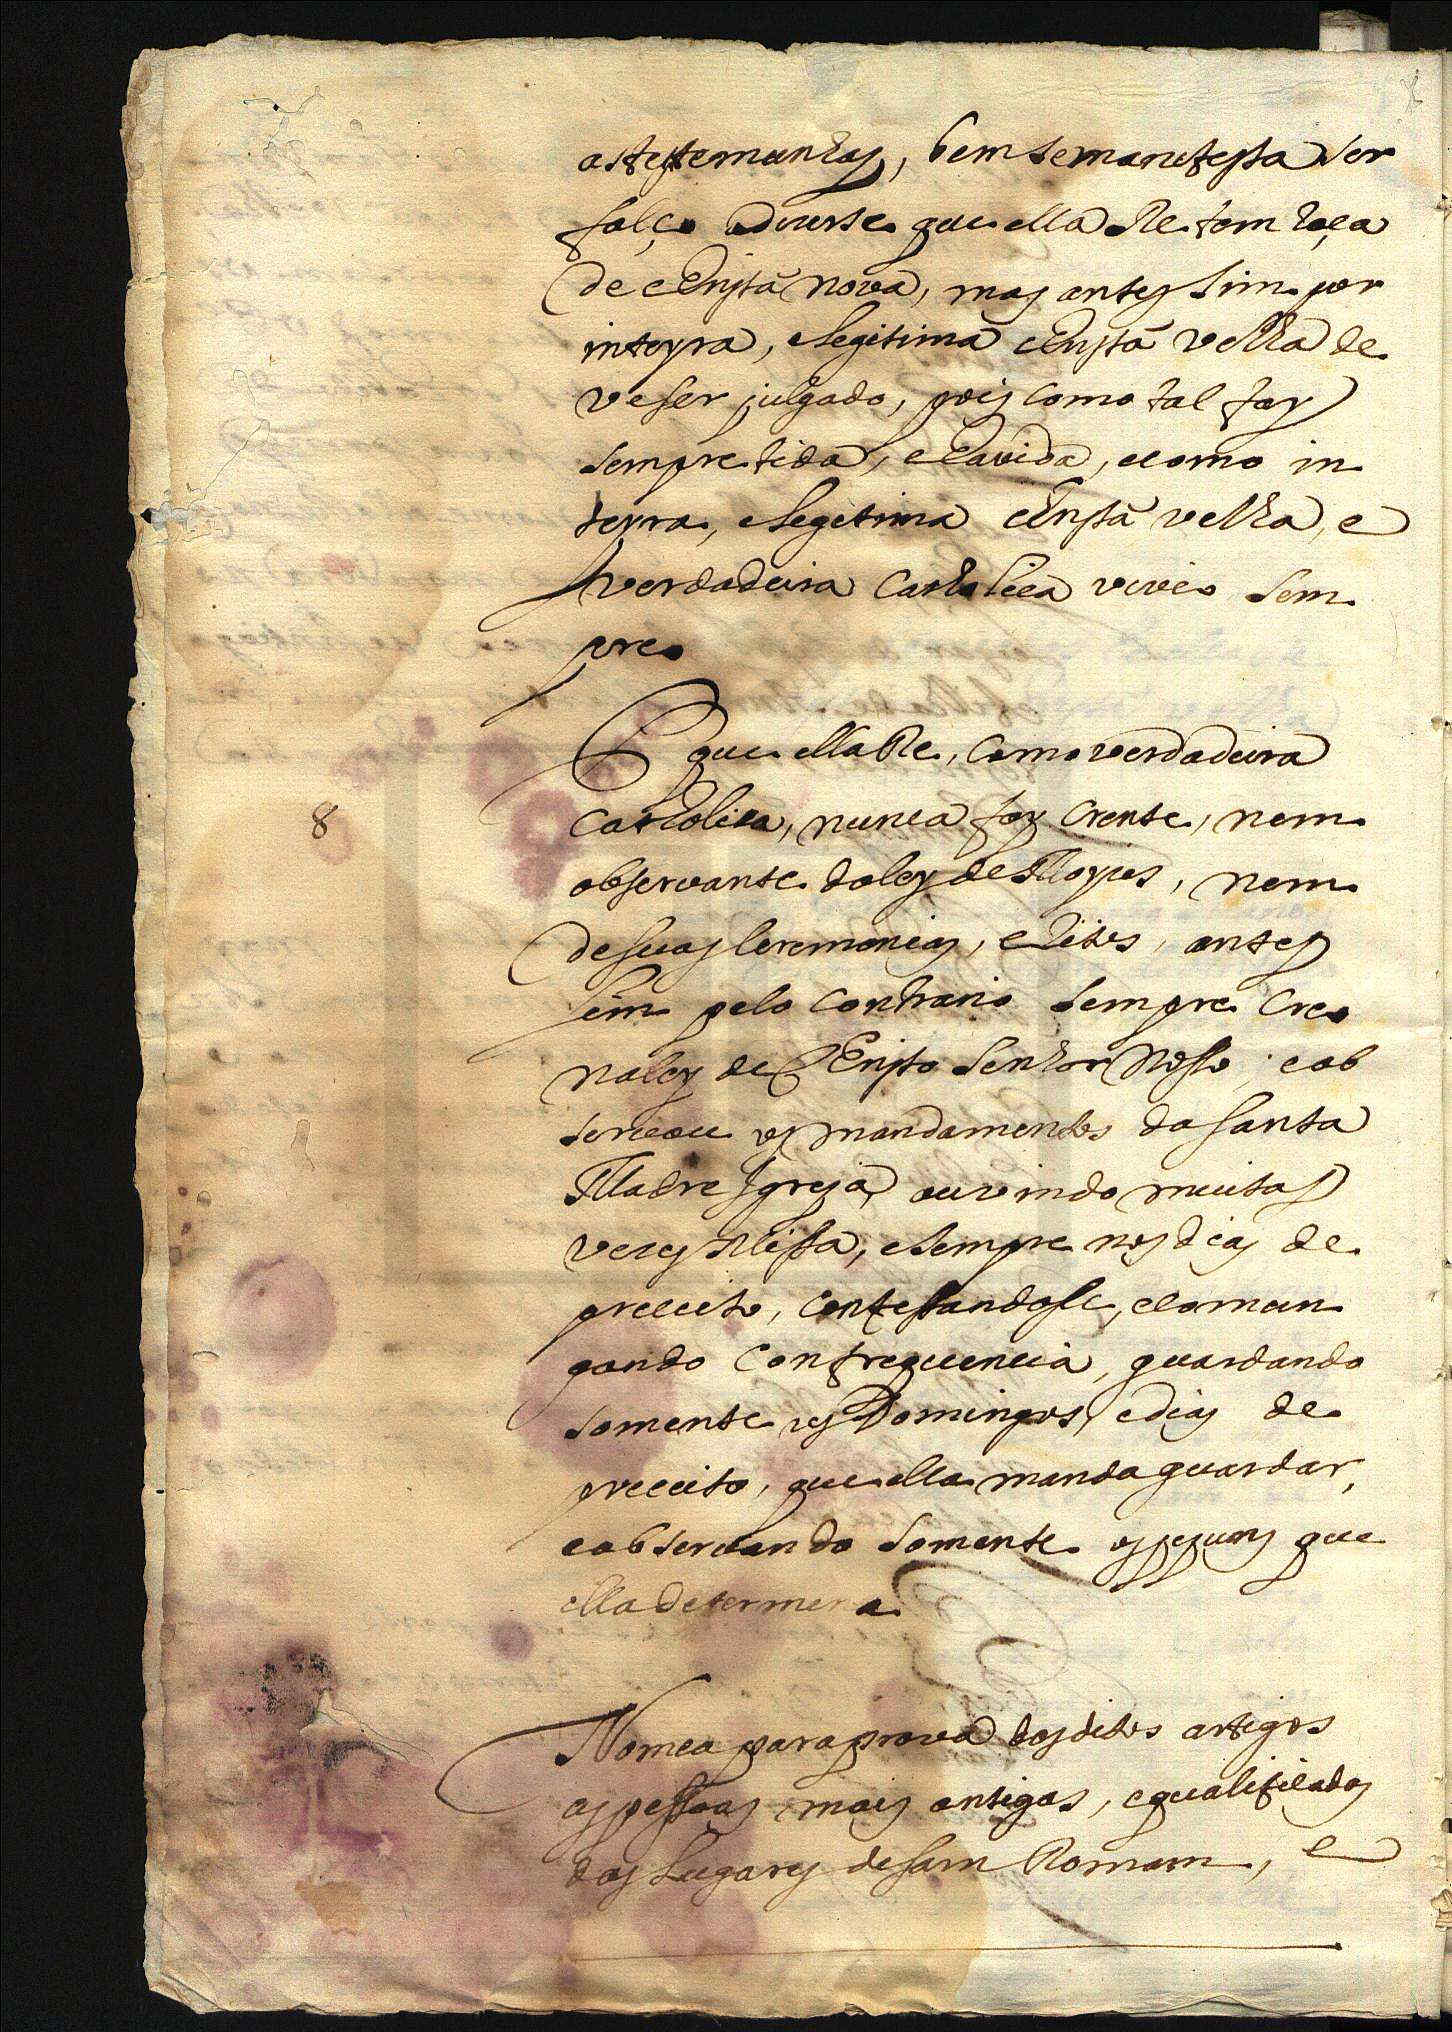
as testemunhas, bem se manifesta ser
falço o dizerse que ella Re tem raça
de christã nova, mas antes sim por
inteyra, e Legitima christã velha de
ve ser julgado, pois como tal foy
sempre tida, e havida, e como in
teyra, e Legitima christã velha, e
verdadeira catholica viveo sem
pre
P que ella Re, como verdadeira
catholica, nunca foy crente, nem
observante da Ley de Moyzes, nem
de suas ceremonias, e Ritos, antes
sim pelo contrario sempre creo
na ley de Christo Senhor nosso; e ob
servou os mandamentos da santa
Madre Jgreja, ouvindo muitas
vezes Missa, e sempre nos dias de
preceito, confessandosse, e comun
gando con frequencia, guardando
somente os Domingos, e dias de
preceito, que ella manda guardar,
e observando somente os jejuns que
ella determina
Nomea para prova dos ditos artigos
as pessoas mais antigas, e qualificadas
dos Lugares de sam Romam, e
